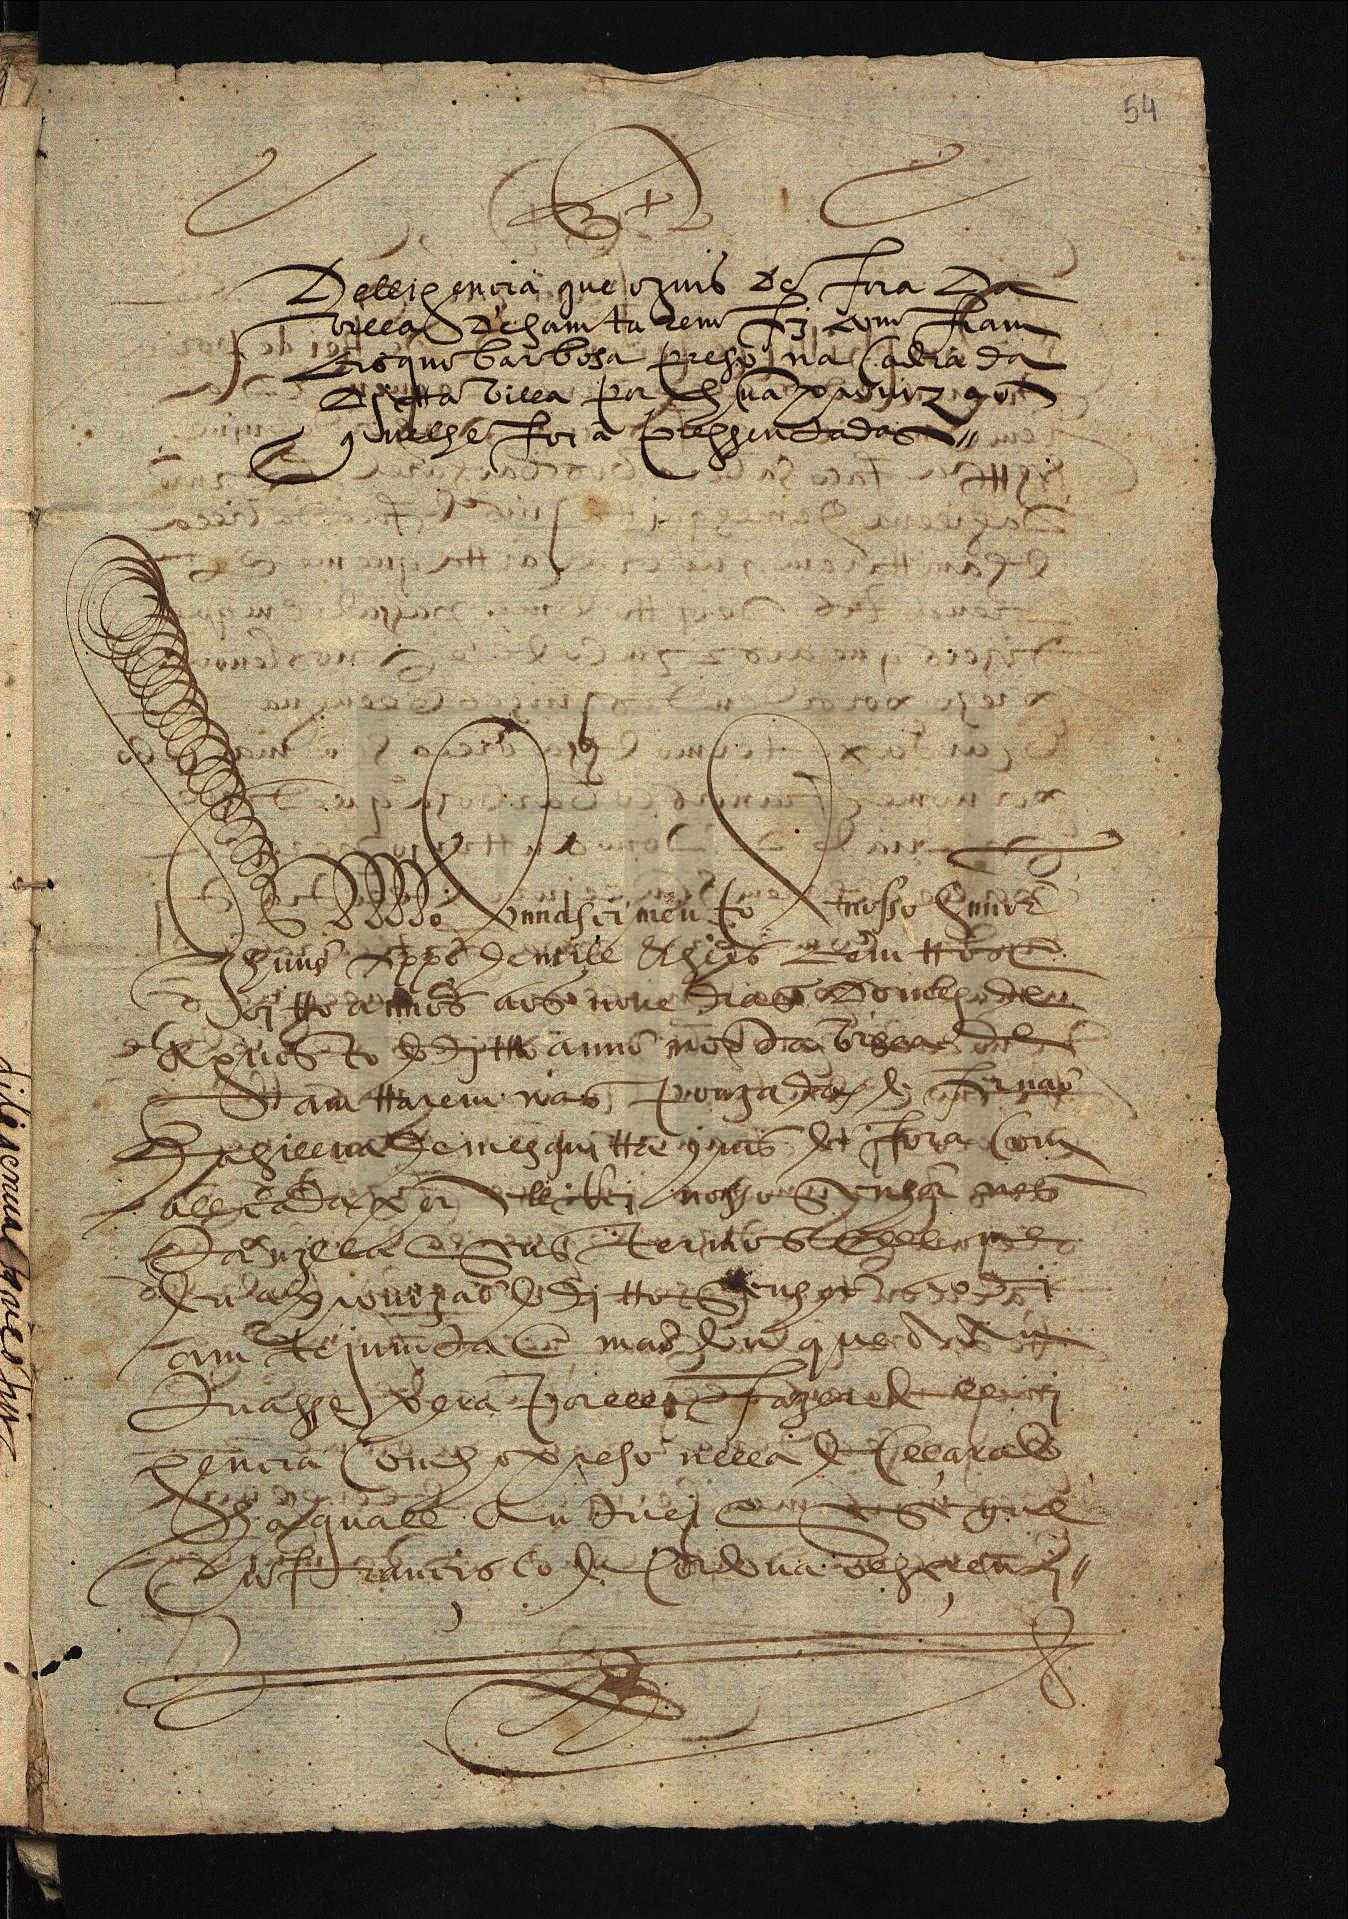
Delligençia que o Juis De fora Da
villa De samtarem fez com fram
Cisquo barbosa preso na Cadeia da
Djctta villa por huā prouizaõ
que lhe foi apressentadas //
ANNo do nnascimento de nosso Snnor̄
Jhuus̄ xppo de mill & seisCemttos e
ojtto annos aos noue dias Do mes de
aguosto do djtto anno nesta villa de
Samttarem nas pouzadas de fernaõ
da sillua de mesquitta juis de fora Com
allçada por ell Rej nosso senhor nes
ta ujlla e seus termos elle me
deu a prouizaõ do djtto senhor ao di
amte jumta e maõdou que AAu
tuasse pera por elle fazer dell_j
gencia Com ho preso nella deCllarado
ho quall autuej e Se segue
Eu francisco de Cordoua o escreuj //
